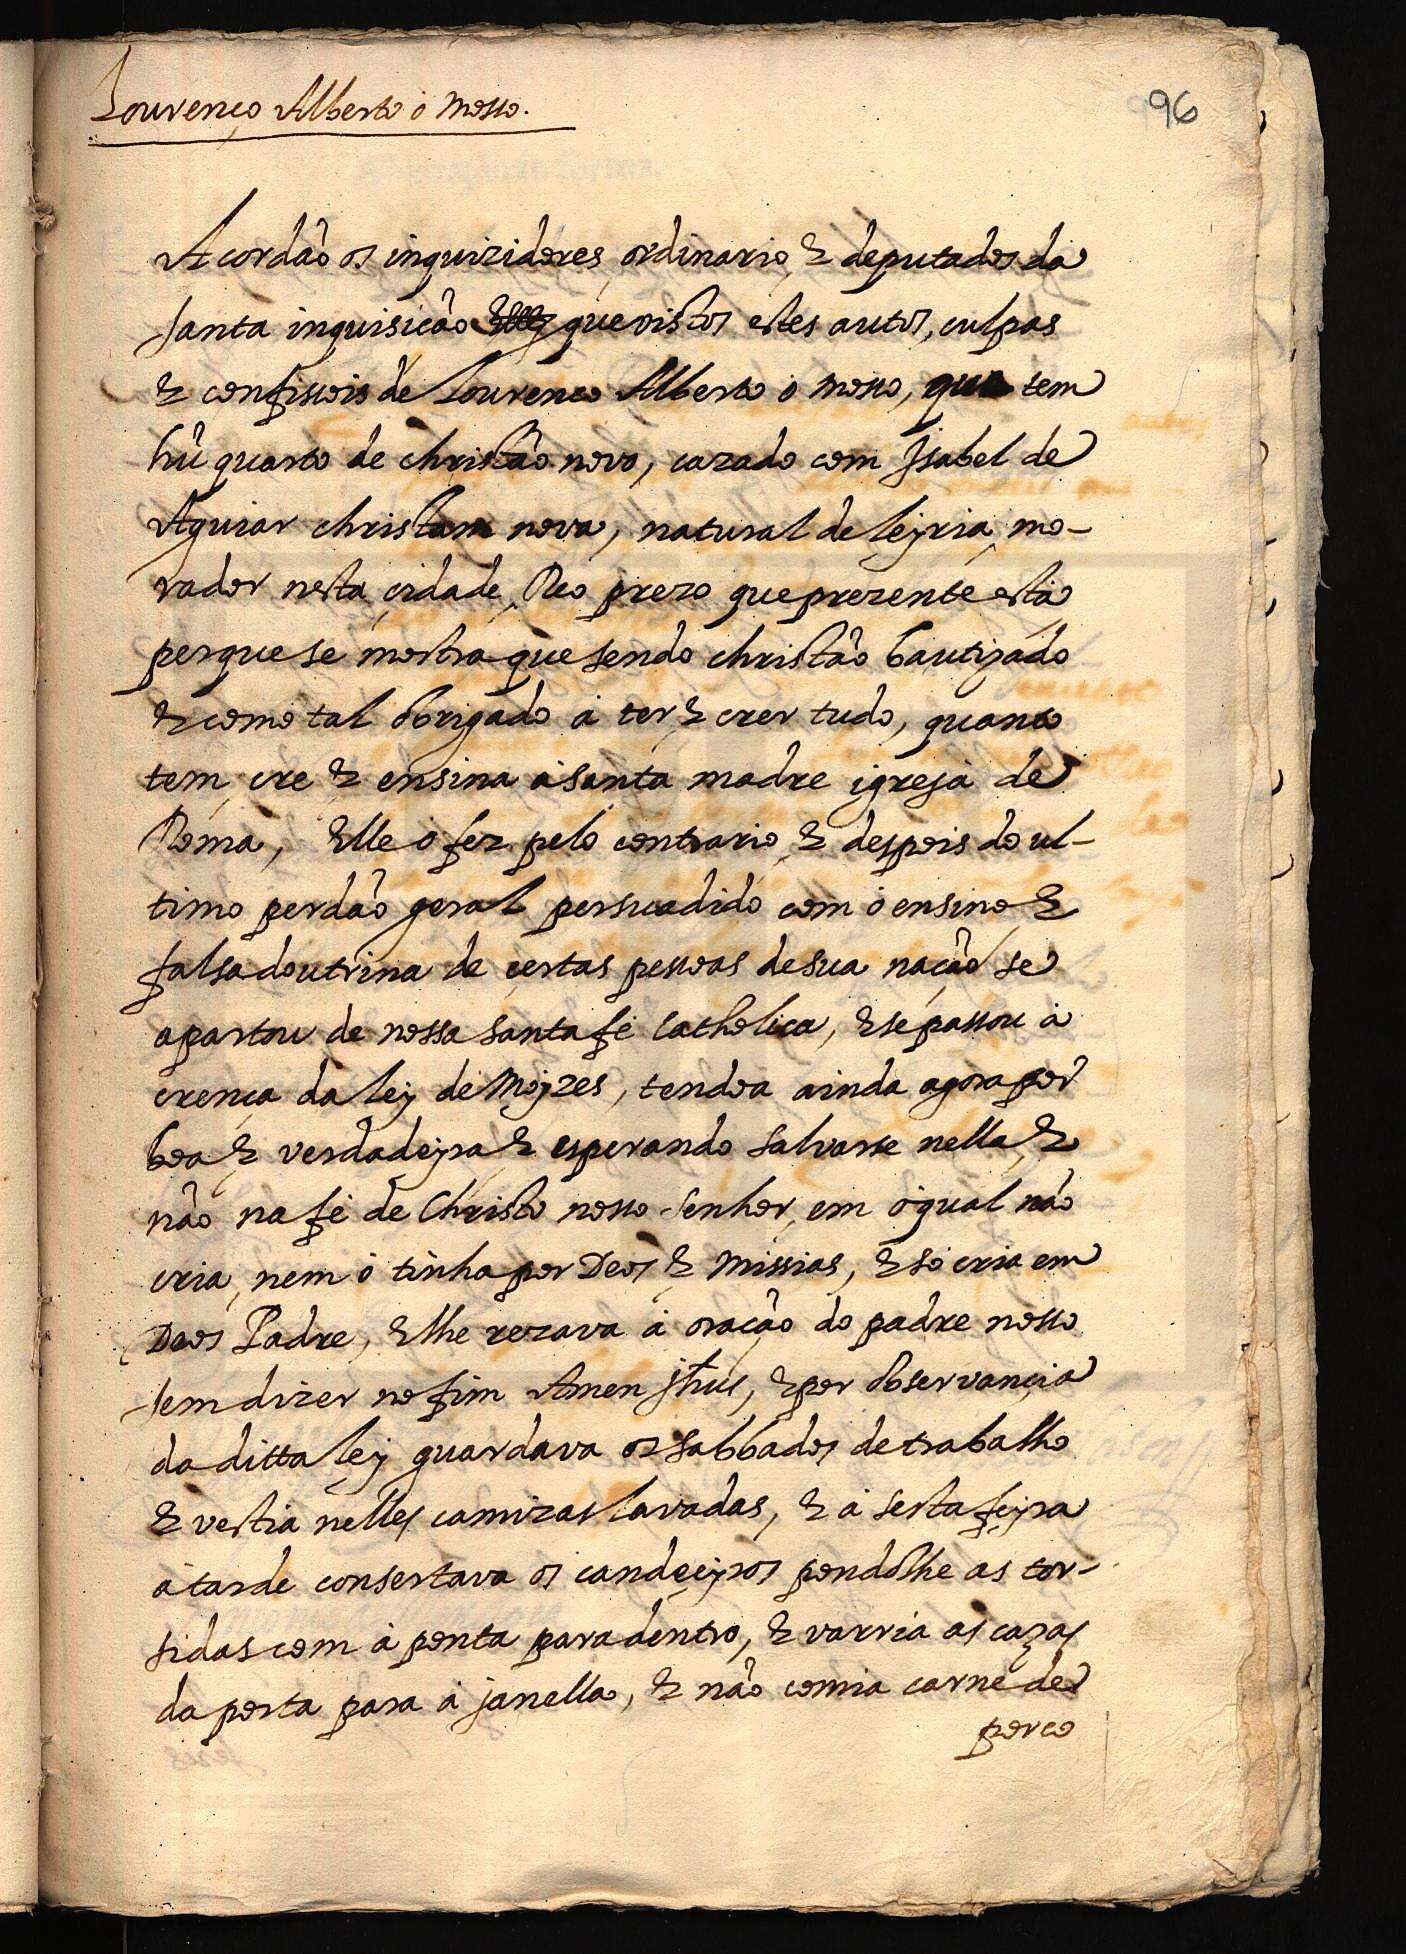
Lourenço Alberto o mosso.
Acordaõ os inquizidores, ordinario, E deputados da
Santa inquisição Ettc que vistos estes autos, culpas
E confissois de Lourenco Alberto o mosso, qu_ tem
hū quarto de christão novo, cazado com Jsabel de
Aguiar christam nova, natural de leyria, mo
rador nesta çidade, Reo prezo que prezente esta,
per que se mostra que sendo christão bautizado
E como tal obrigado a ter, E crer tudo, quanto
tem, cre E ensina a santa madre igreja de
Roma, Elle o fez pelo contrario, E despois do ul
timo perdão geral persuadido com o ensino E
falsa doutrina de çertas pessoas de sua nação se
apartou de nossa santa fe catholica, E se passou a
crença da ley de Moyzes, tendoa ainda agora por
boa, E verdadeyra E esperando salvarse nella, E
não na fe de Christo nosso senhor, em o qual não
cria, nem o tinha por Deos, E missias, E so cria em
Deos Padre, E lhe rezava a oração do padre nosso
sem dizer no fim Amen jh̄sus, E por observançia
da ditta ley guardava os sabbados de trabalho
E vestia nelles camizas lavadas, E a sesta feyra
a tarde consertava os candeeyros pondolhes as tor
sidas com a ponta para dentro, E varria as cazas
da porta para a janella, E não comia carne de
porco
